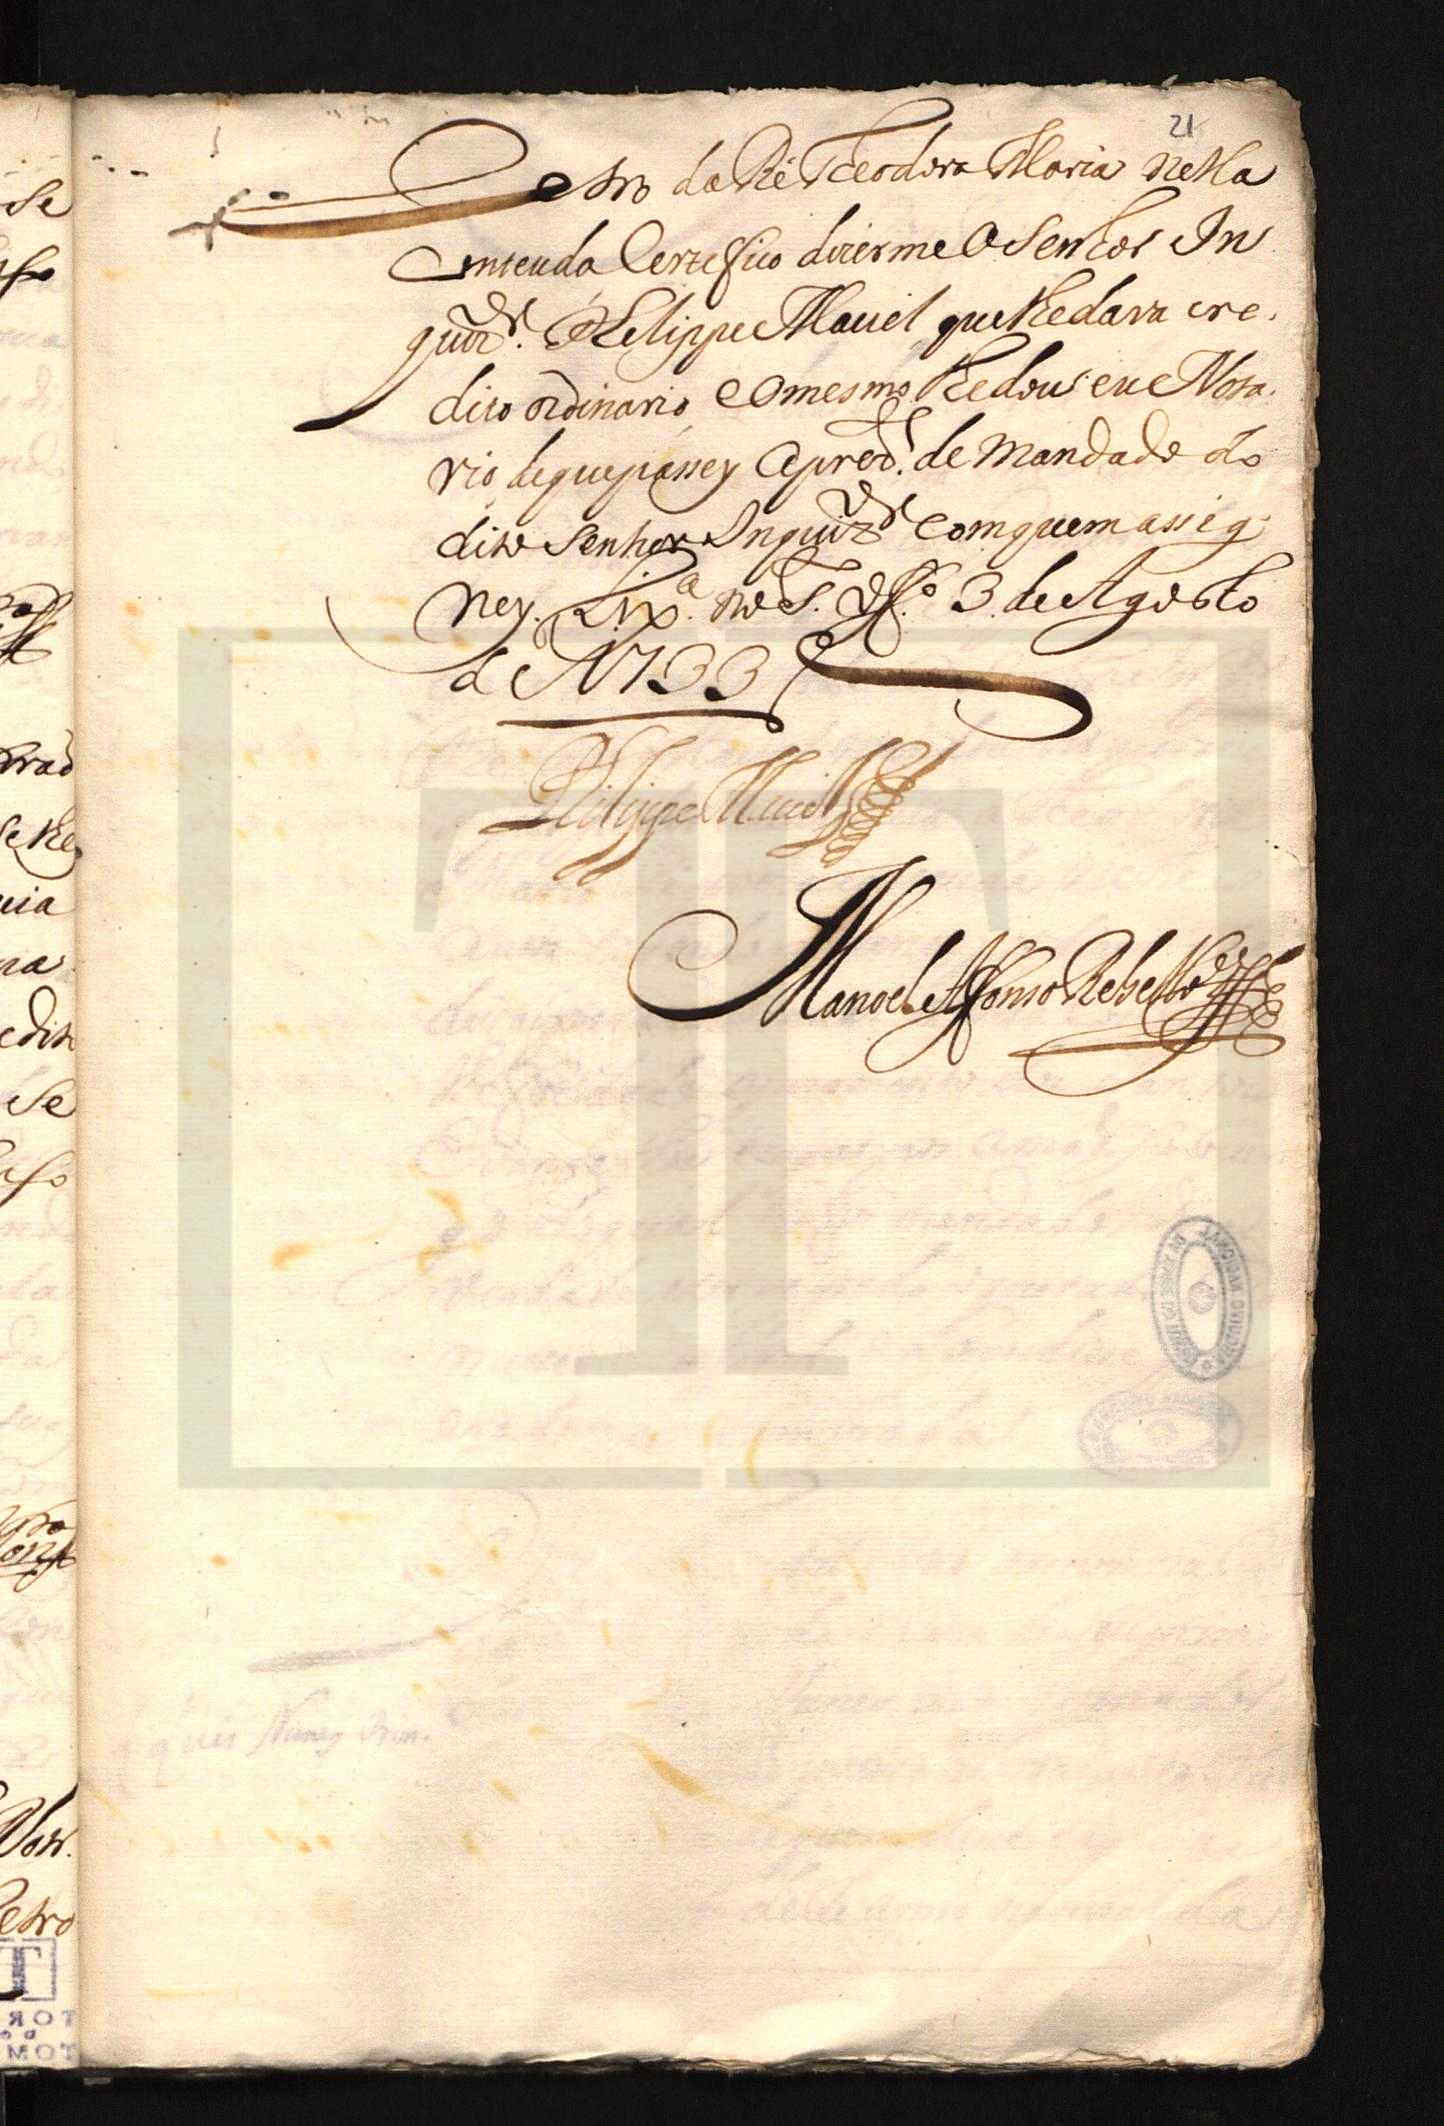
Retro da Re Theodora Maria nella
Conteuda, Certifico dizerme o Senhor In
quiz.or Phelippe Maciel, que lhe dava cre
dito ordinario, e o mesmo lhe dou eu Nota
rio, de que passey a prez.te de mandado do
dito Senhor Inquizor com quem assig
ney Lix.a no S.to off.o 3. de Agosto
de 1733
Philippe Maciel
Manoel Affonso Rebello
